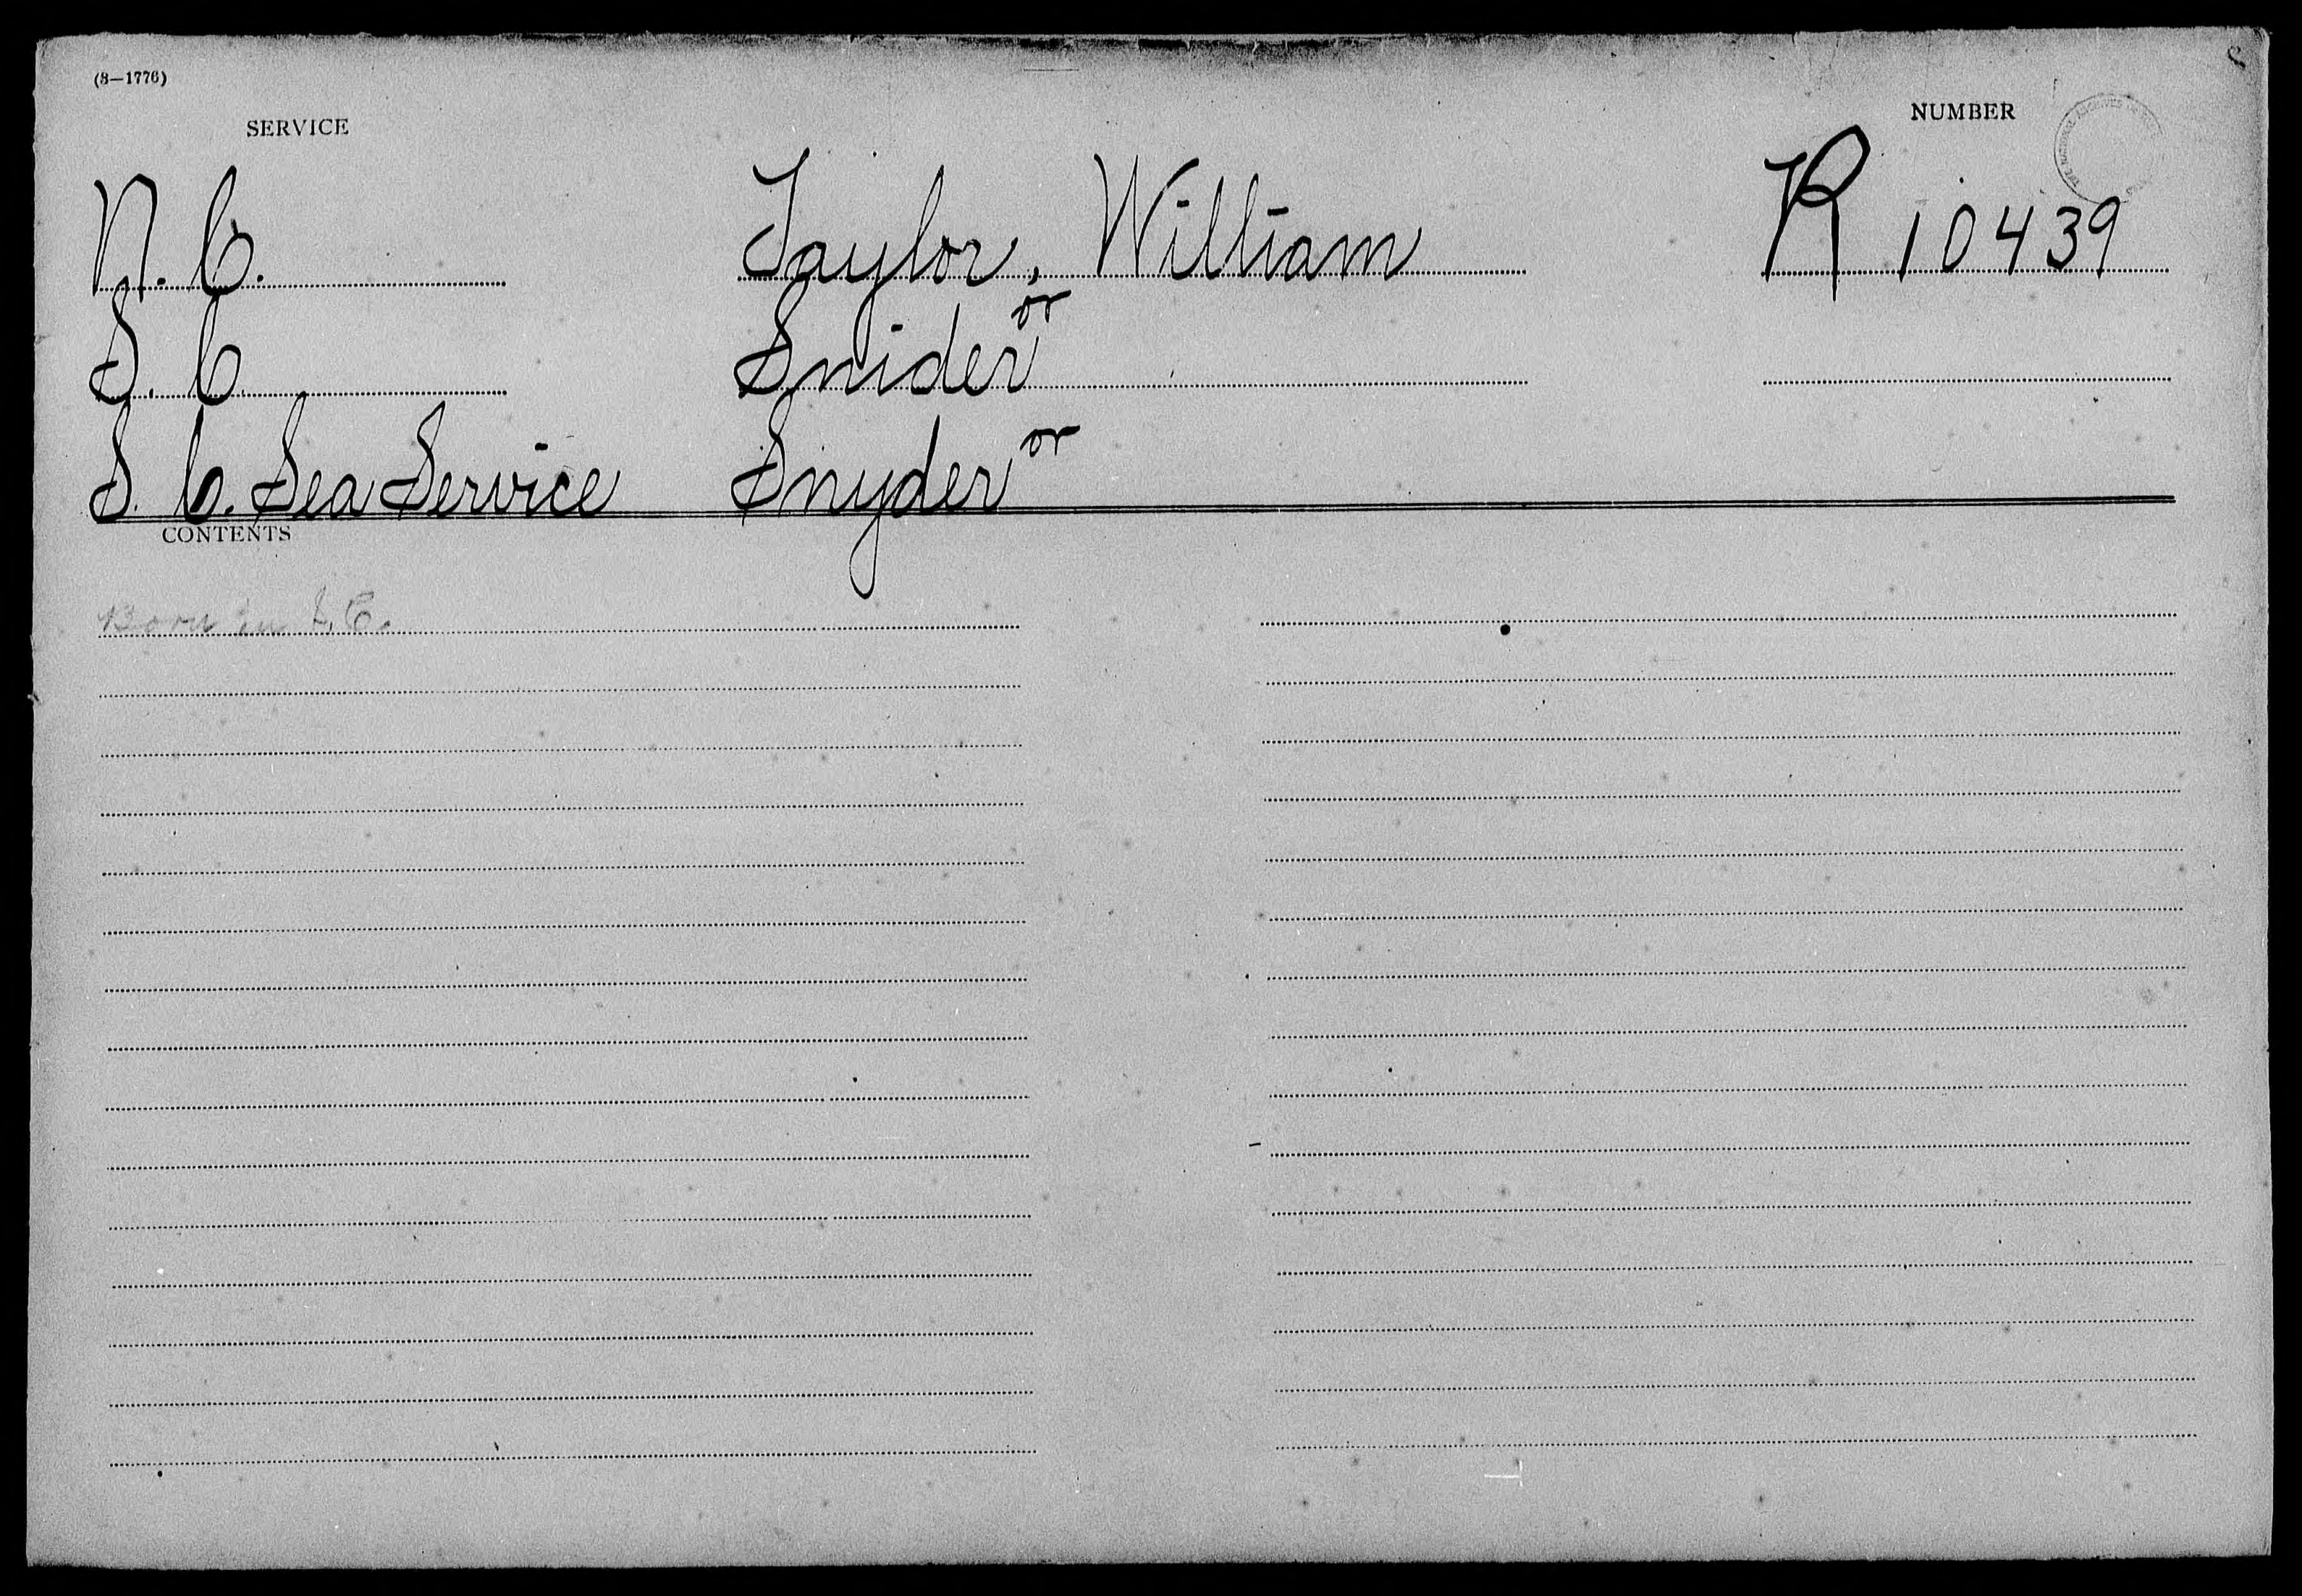(3-1776)
SERVICE
N.C.
S.C.
S.C. Sea Service
Taylor, William
or Snider
or Snyder
NUMBER
R 10439
CONTENTS
Born in S.C.
[stamp] THE NATIONAL ARCHIVES OF THE UNITED STATES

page: 1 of 33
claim: rejected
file: R 10439, for William Taylor, North Carolina